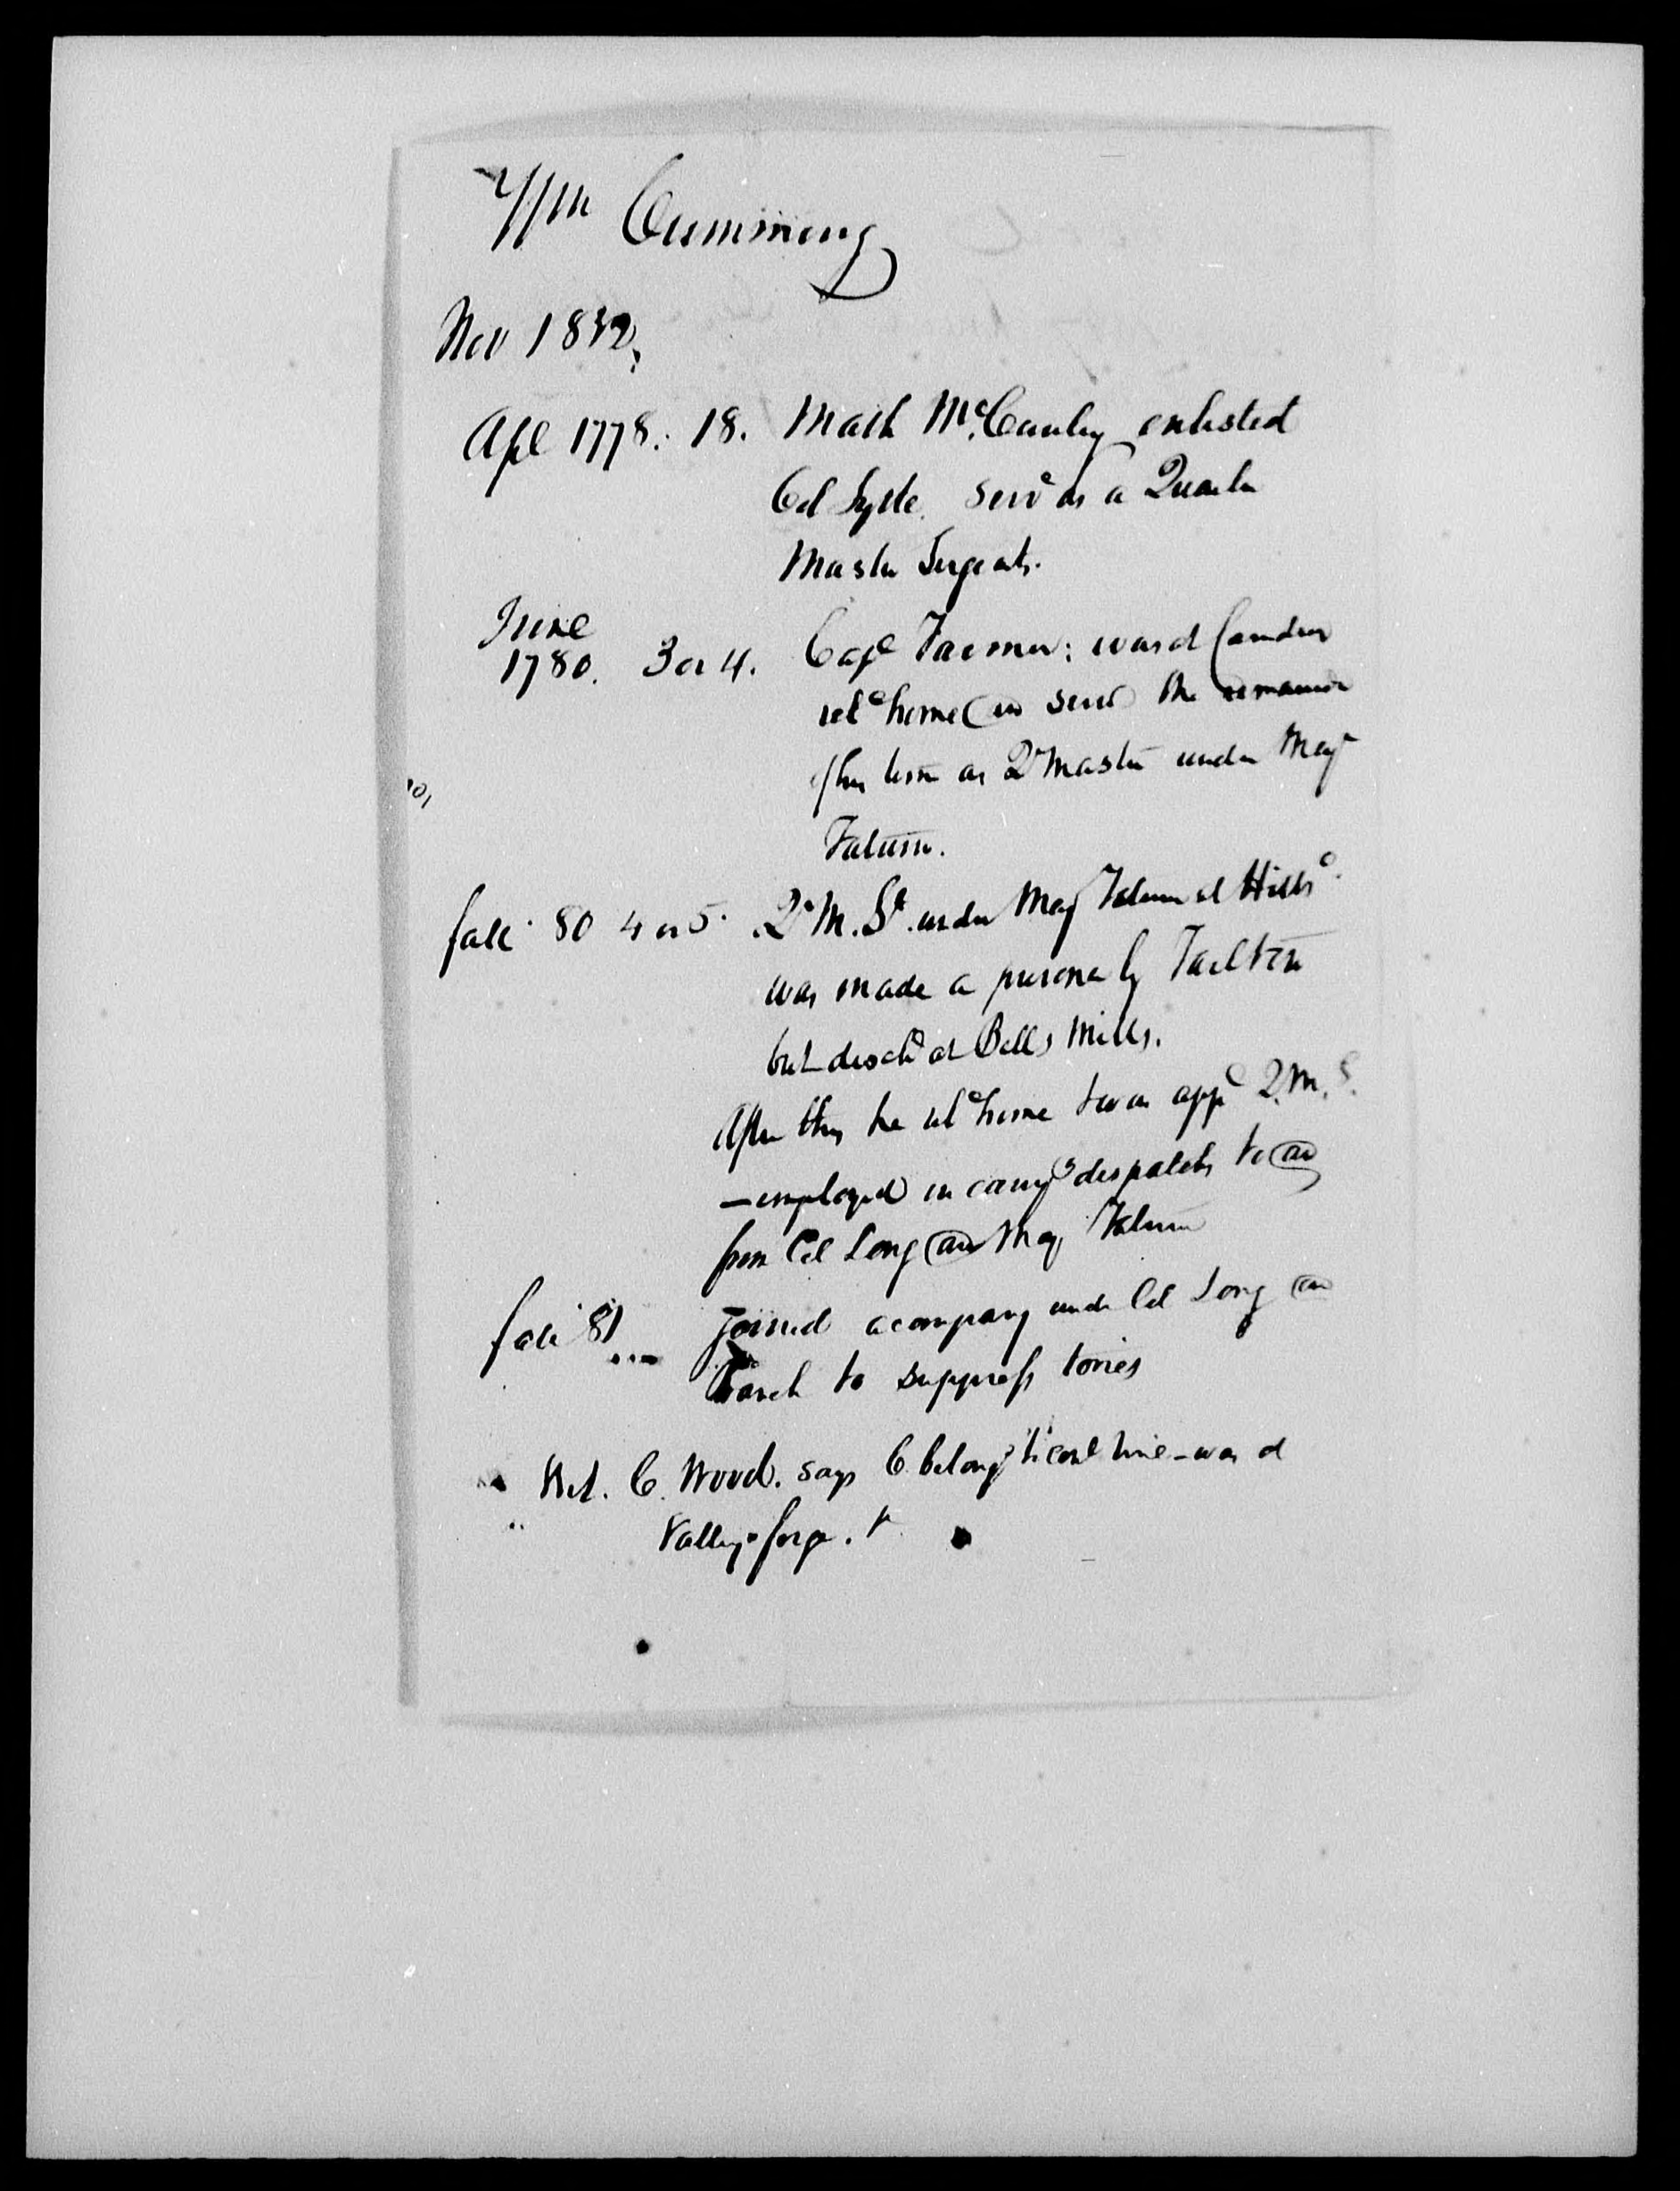[Handwritten record.  This appears to be the first page of a three-page partial recap of William Cumming's service.]

Wm [William] Cumming
Nov 1832:

Apl [April] 1778: 18.  Math [Matthew] McCauley enlisted Col. Lytle. Serv^d [Served] as a Quarter Master Sergeant.

June 1780. 3 or 4. [? Capt possibly meaning Captain] Farmer:  was at Camden[.]  retd [returned] home and Served the remainder of his time as a Qr [Quarter] Master under Majr [Major] Tatum.

fall 80 [1780] 4 or 5. QrM.St. [Quarter Master Sergeant] under Maj [Major] Tatum at Hills^o [Hillsboro.]  was made a prisoner by Tarlton but dischd [discharged] at Bells Mills.

After this he retd [returned] home and was an asst Q.M.S. [Quarter Master Sergeant] - employed in carryg [carrying] dispatches to and from Col Long and Maj Tatum

feb '81 [1781] joined a company under Col Long and Branch to Suppress tories

[Illegible] C. Wood. says C [probably meaning Cumming] belonged to Conl [Continental] line _ was at Valley forge.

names: Tatum, Lytle, Wm Cumming, Branch, Math Mc Cauley, Tatum, C Wood, Long, Farmer, Tatum, Long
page: 94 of 145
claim: survivor's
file: S. 8265, William Cumming, N.C.